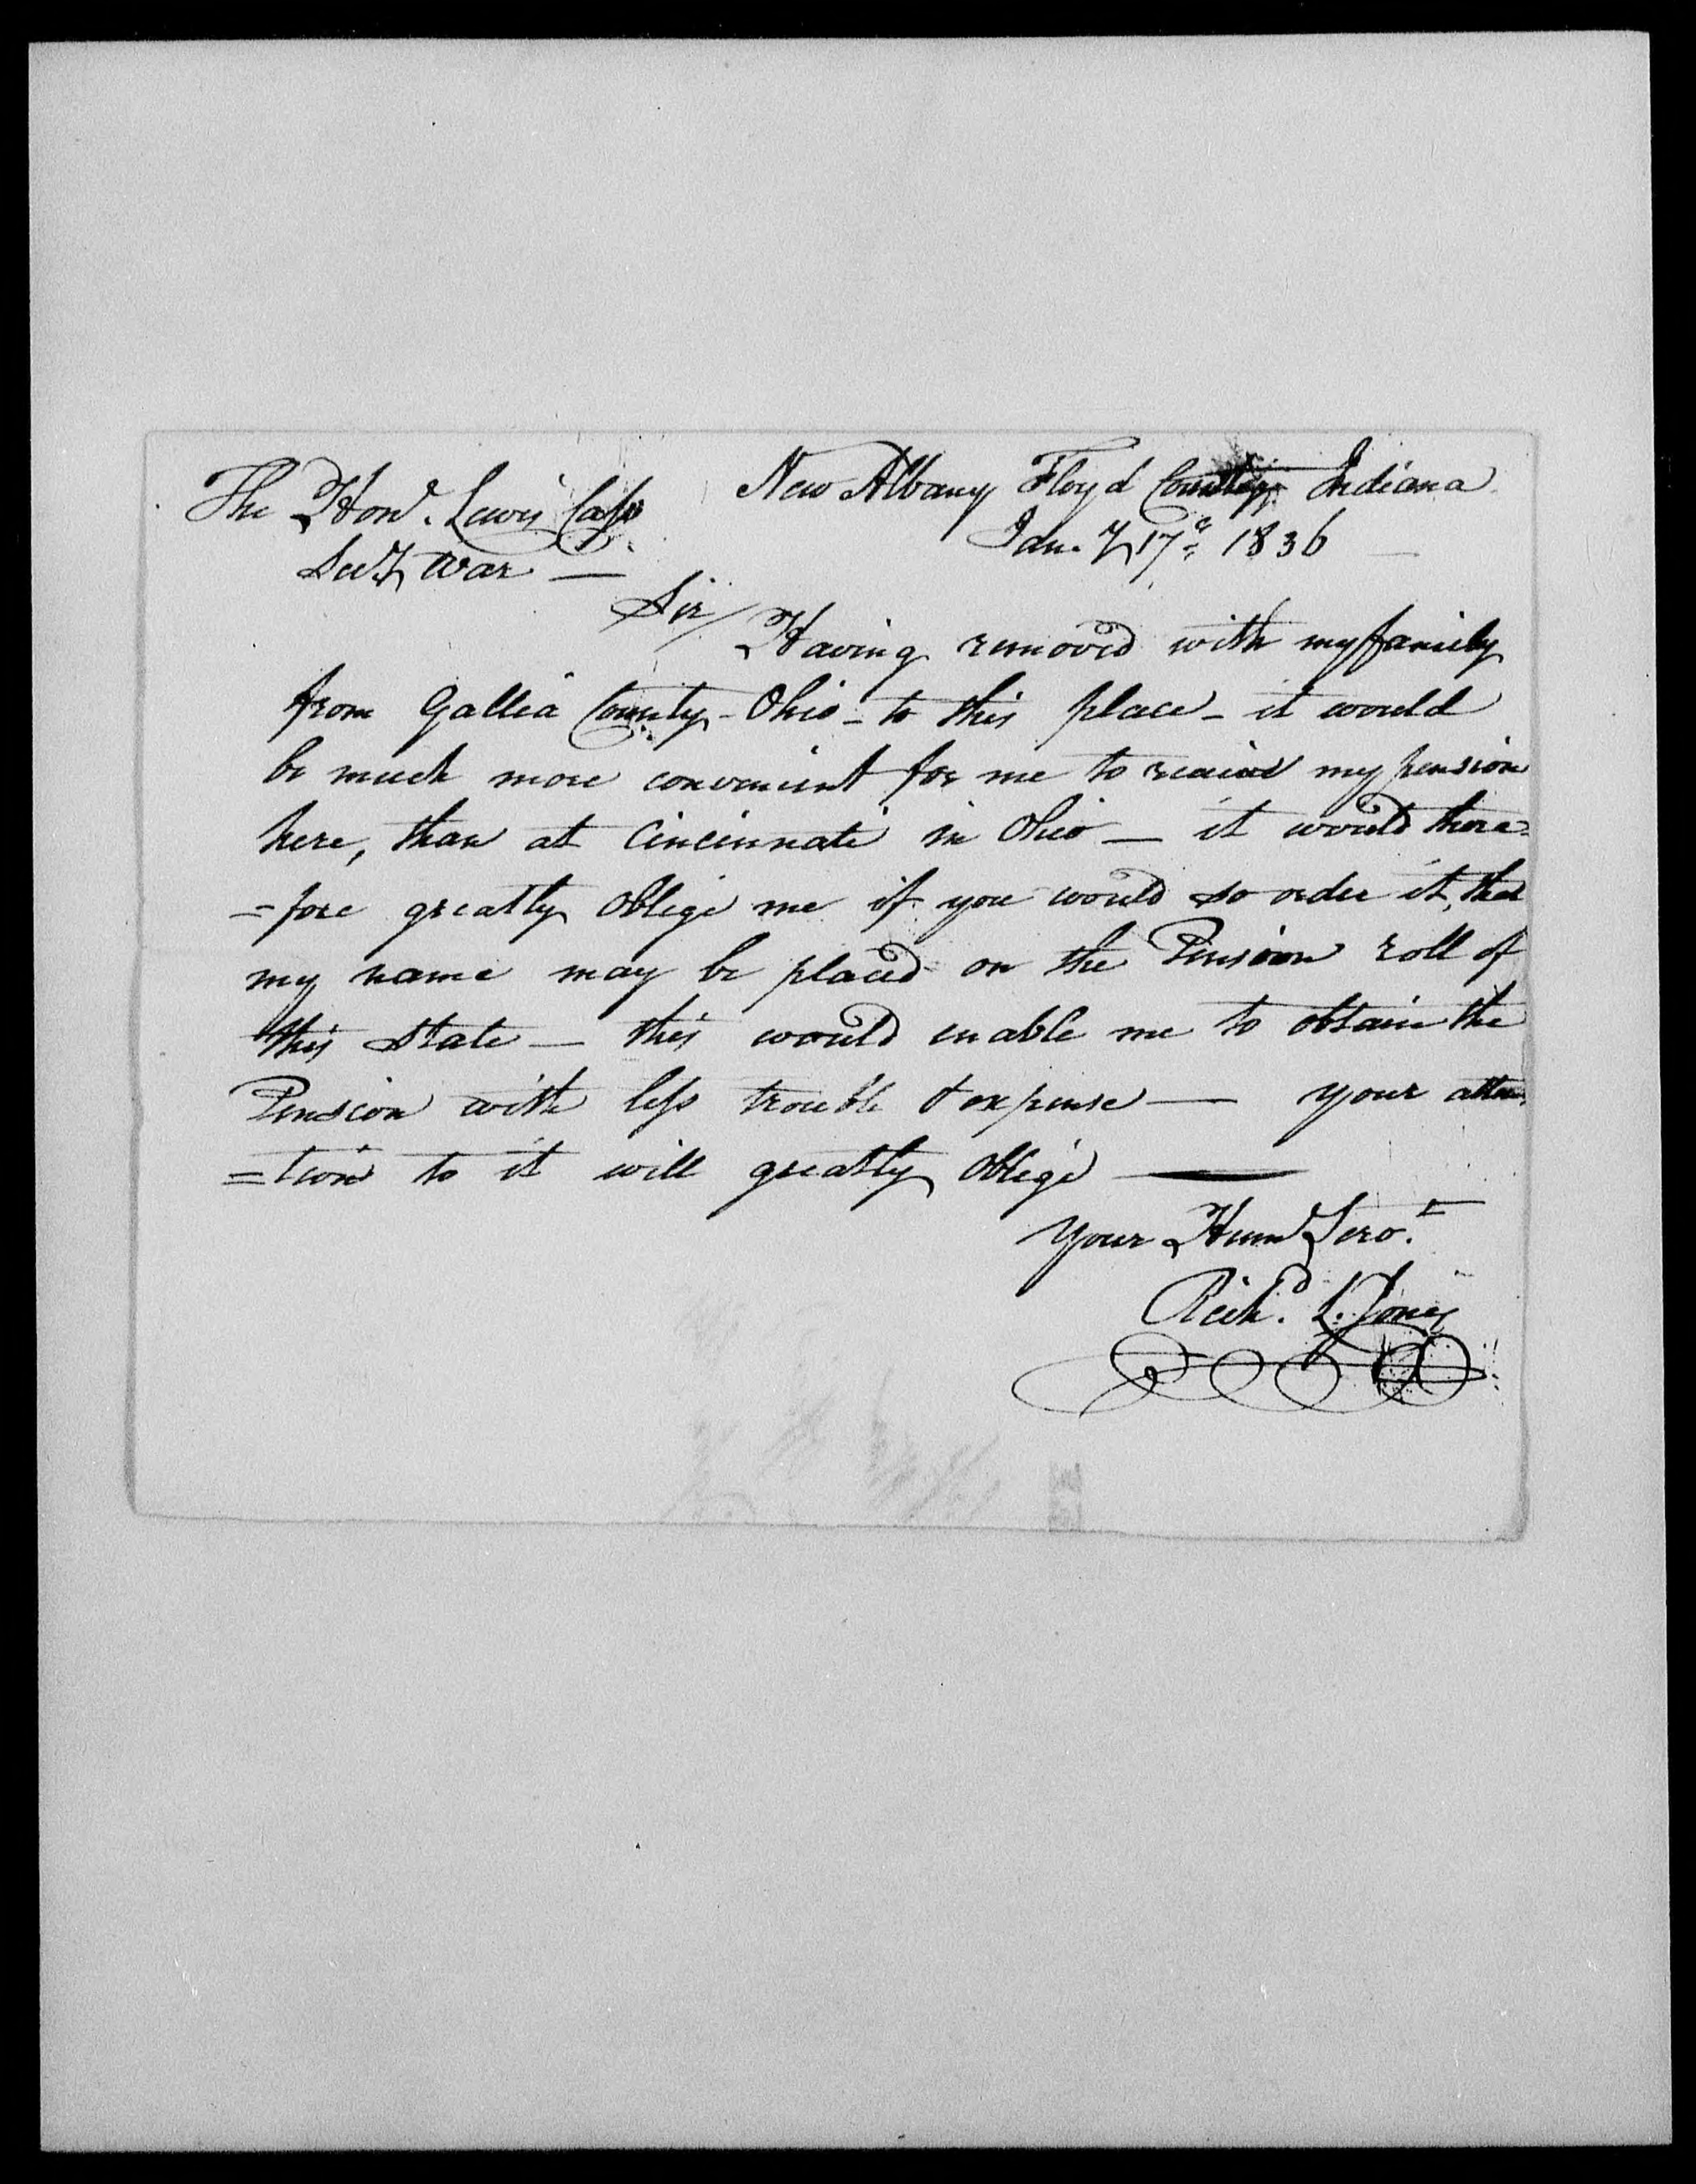New Albany Floyd County Indiana
Jany 17th 1836
The Hon Lew Cass
See Gr War
-
Sir
Having removed with my family
from Gallia County Ohio to this place, it would
be much more convenient for me to revive my pension here, than at Cincinnati in Ohio. it would therefore greatly oblige me if you would so order it, that my name may be placed on the Pension roll of this State - this would enable me to obtain the Pension with less trouble & expense
Your attention to it will greatly oblige.
Your Hum Serv [Your Humble Servant]

Richd L. Jones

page: 30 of 62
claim: widow's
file: W. 765, for Richard L Jones, Connecticut